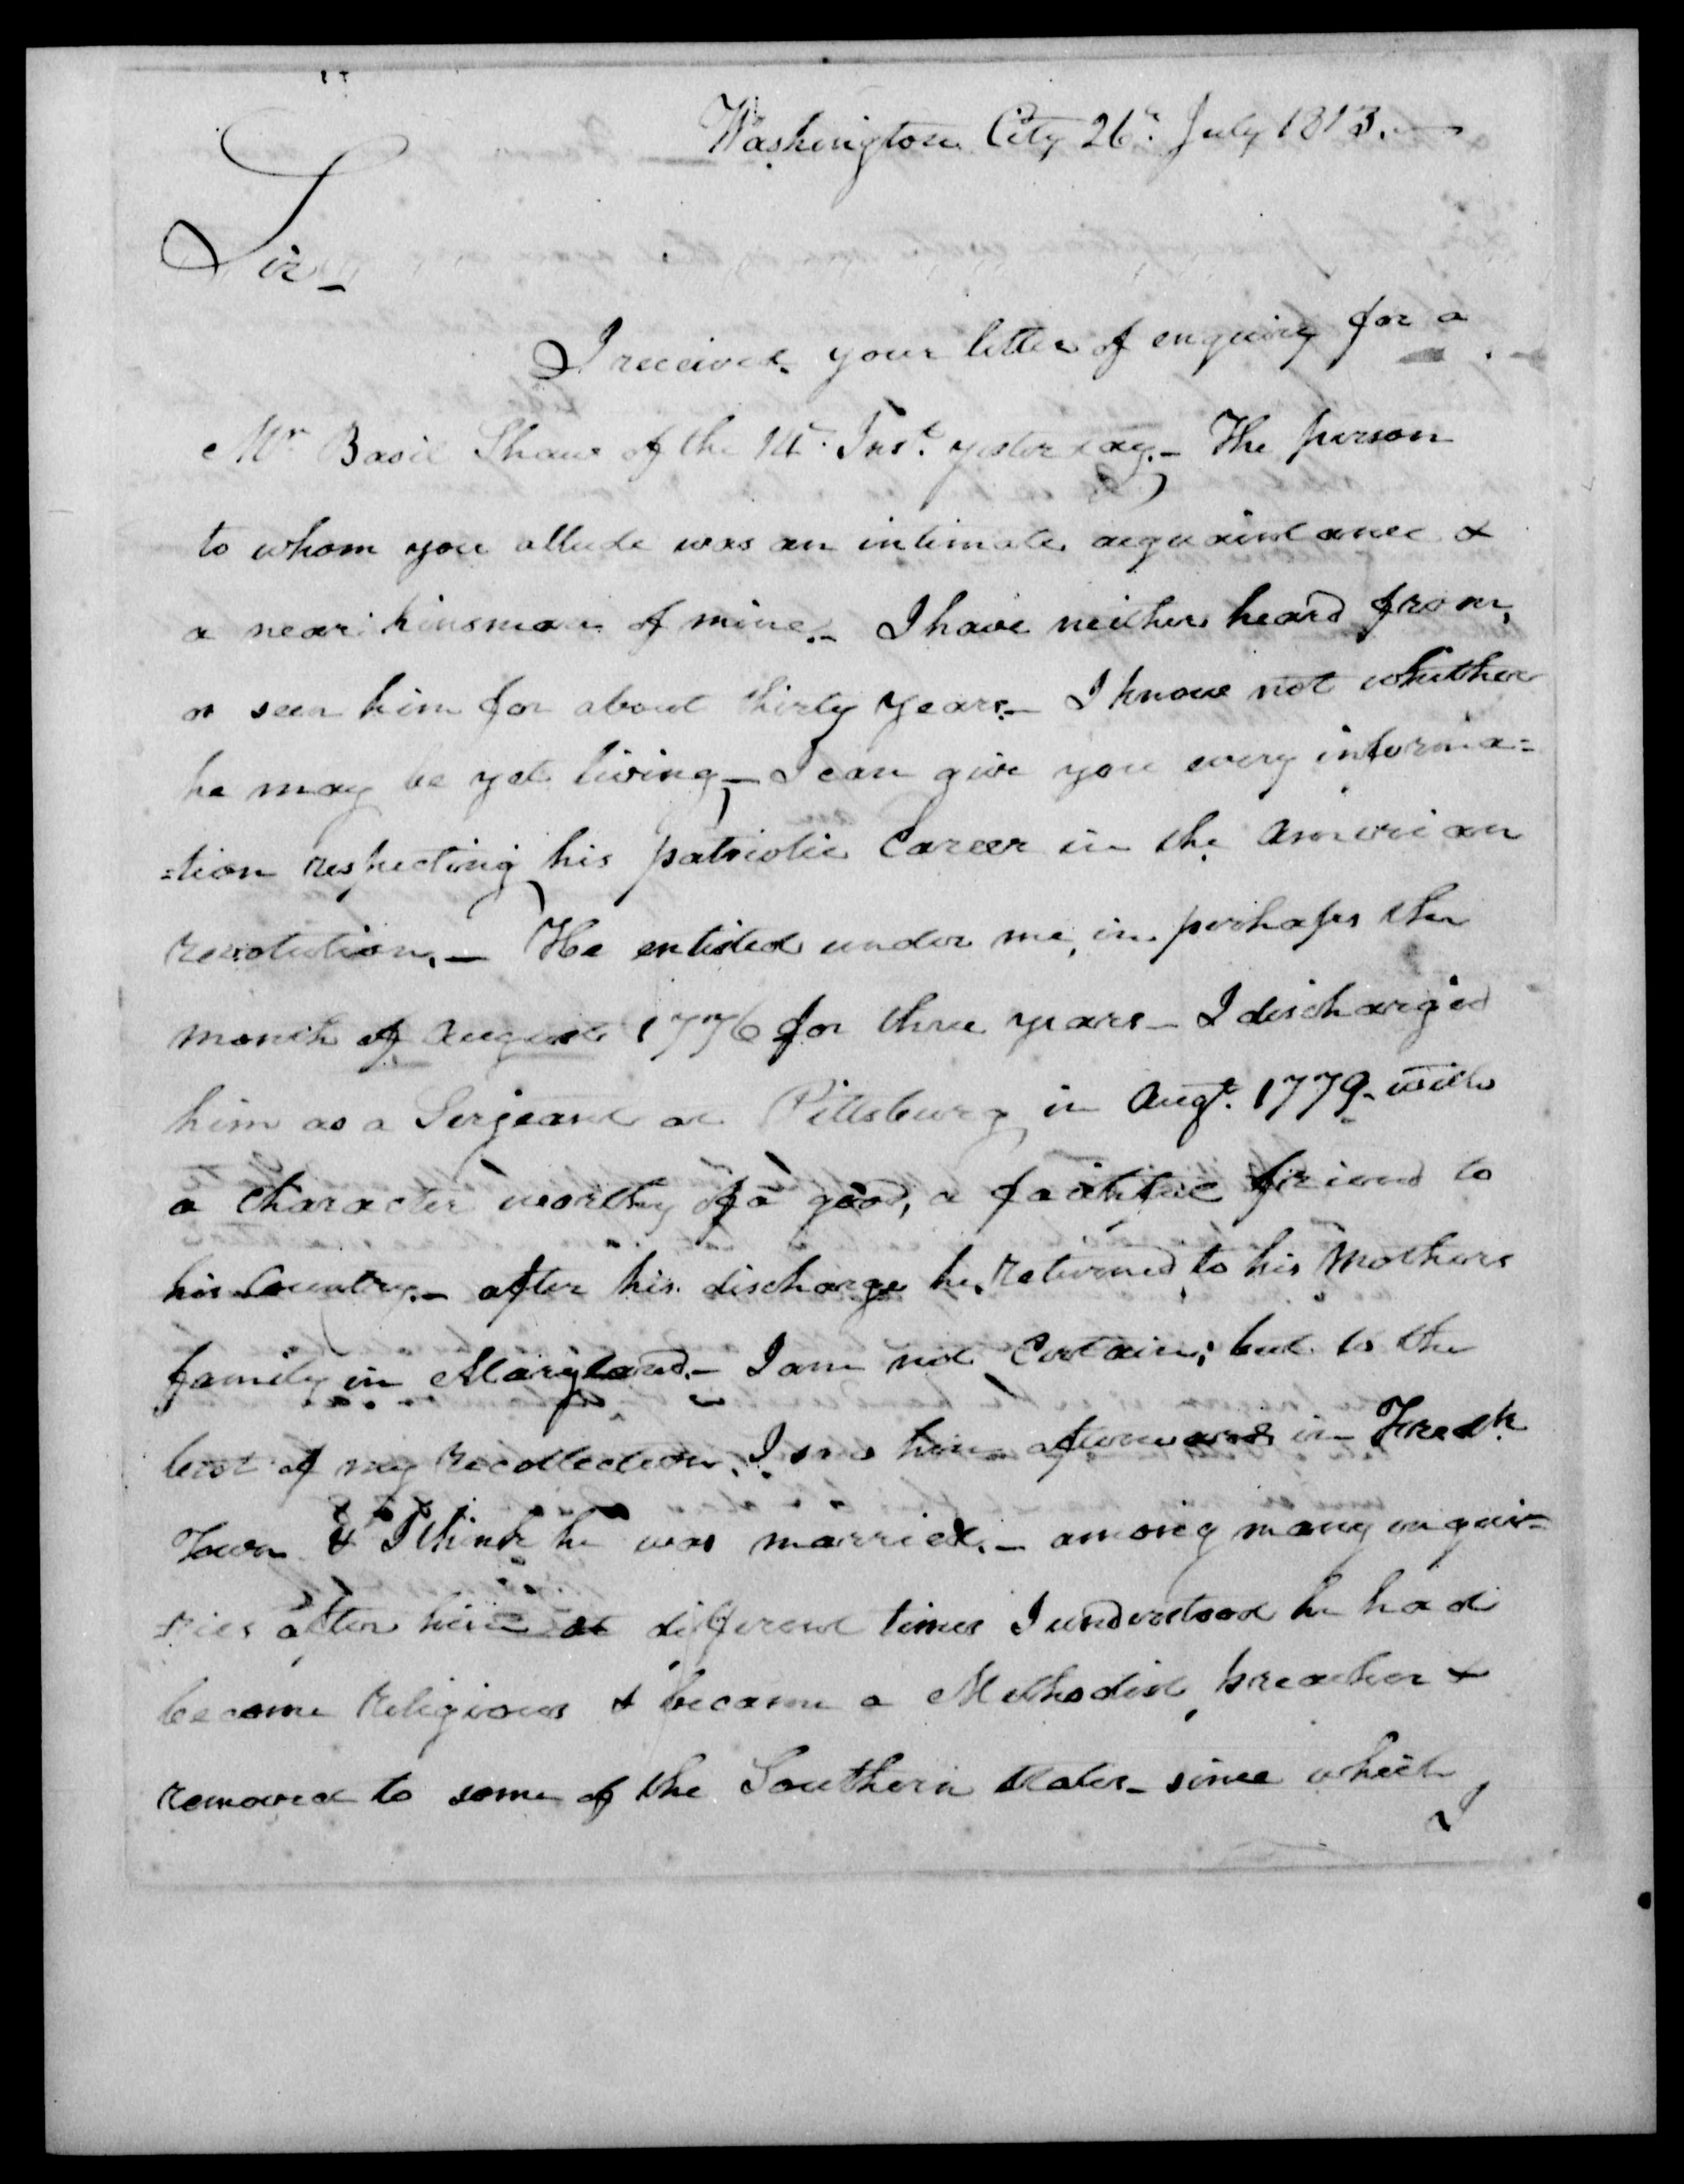Washington City 26th. July 1813.
Sir -
I received your letter of enquiry for a
Mr. Basil Shaw of the 14th inst. yesterday. The person to whom you allude was an intimate acquaintance and a near kinsman of mine. I have neither heard from, or seen him for about thirty years. I know not whither he may be yet living - I can give you every information
respecting his patriotic career in the American
Revolution - He enlisted under me, in perhaps the month of August 1776 for three years - I discharged him as a sergeant at Pittsburg in Aug. 1779 - with a character worthy of a good, and faithful friend to his Country - after his discharge he returned to his mother's
family in Maryland - I am not certain; but to the best of my recollection  I saw him afterward in Fredk Town and I think he was married - among many inquiries after him at different times I understood he had
become religious and became a Methodist preacher & removed to some of the southern states - since which I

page: 3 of 32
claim: survivor's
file: S. 16,526, for Basil Shaw, Maryland